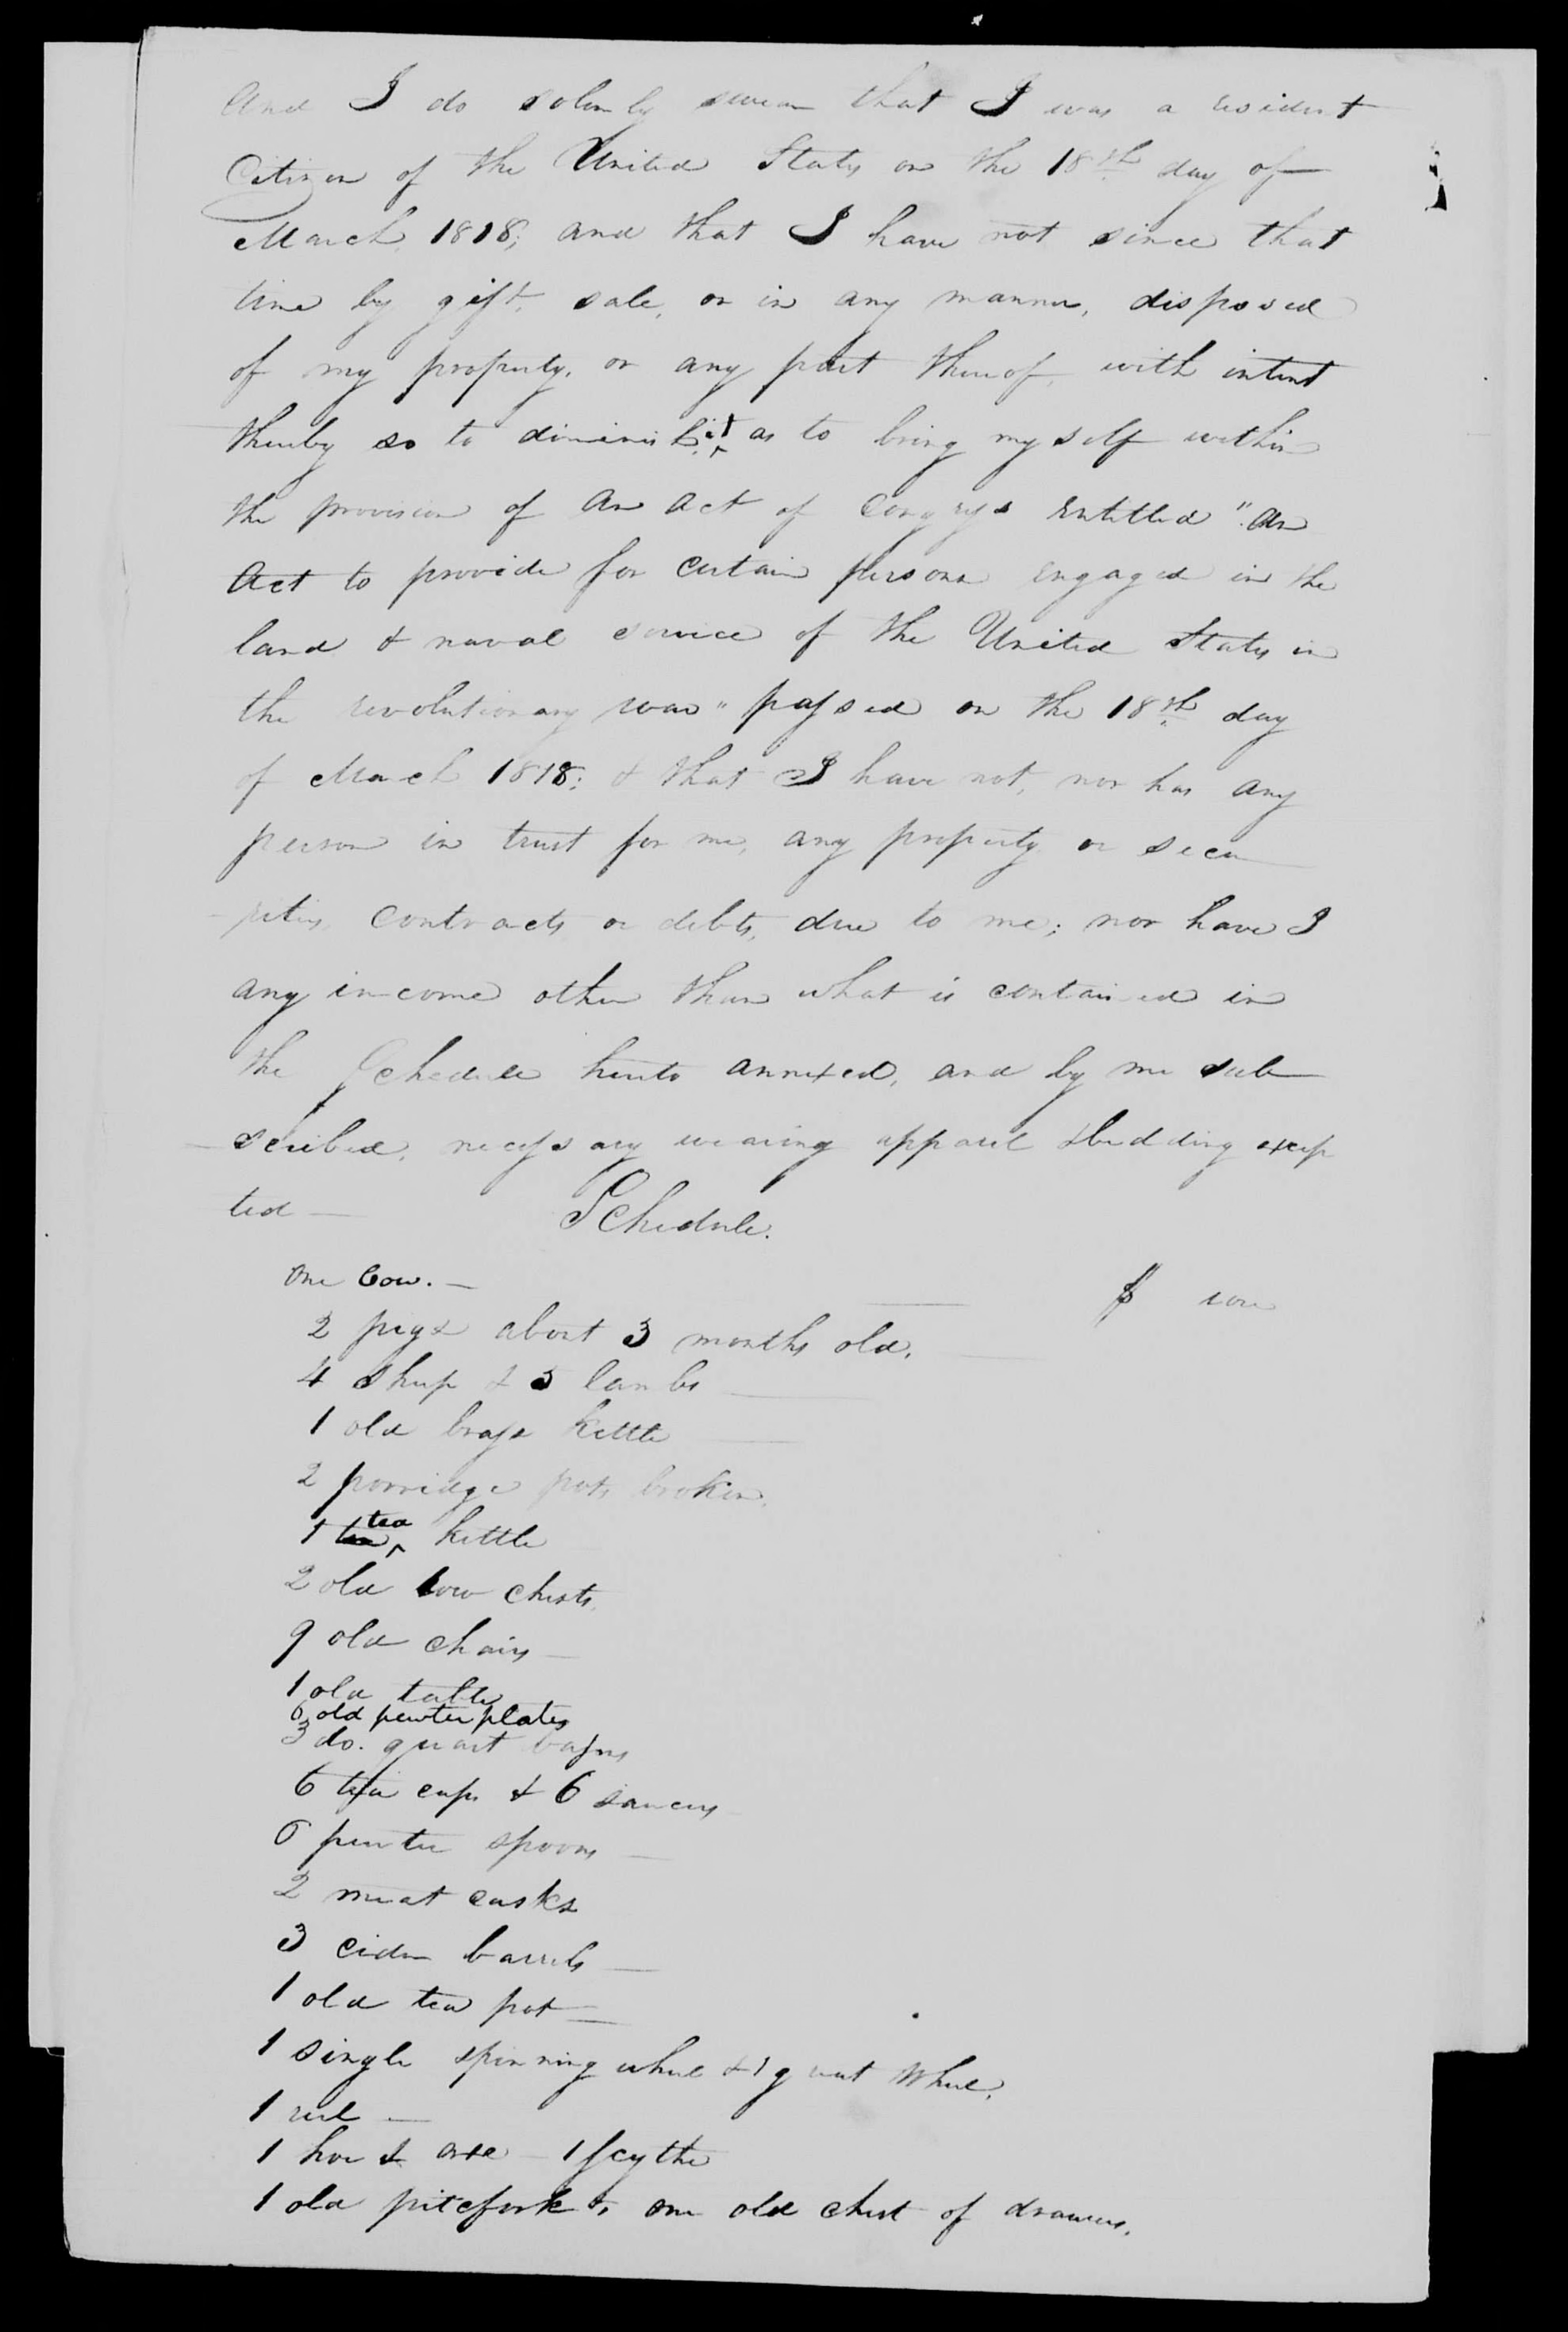and I do solemnly sworn that I was a resident Citizen of the United States o the 18th day of March 1818, and that I have not since that time by gift sale, or in any manner disposed of my property or any part thereof with intent thereby so to [illegible] as to being my self within the provision of an act of Congress entitled " An Act to provide for certain persons engaged in the land & naval service of the United States in the Revolutionary war proposed on the 18th day of March 1818; & that I have not, nor has any person in trust for me, any property or [illegible], contracts or debts, due to me; nor have I any income other than what is contained in the schedule hereto annexed, and by me subscribed necessary wearing appaul shedding existed.   [illegible]

the cow.-  $ cow

2 pigs about 3 months old.
4 sheep & 2 lambs
1 old brass kettle
2 Porridge pots broken
1 tea kettle
2 old low chests
9 old chains
1 old table
6 old pewter plates
3 do. quart [illegible]
6 tea cups & 6 saucers
6 pewter spoons
2 must casks
3 Cider barrels
1 old tea pot
1 single spinning wheel  & 1 giant wheel
1 reel
1 hoe & rake, 1 scythe
1 old pitchfork & one old chest of drawers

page: 4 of 23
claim: survivor's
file: S. 37,750, Fanton Beers, Conn.